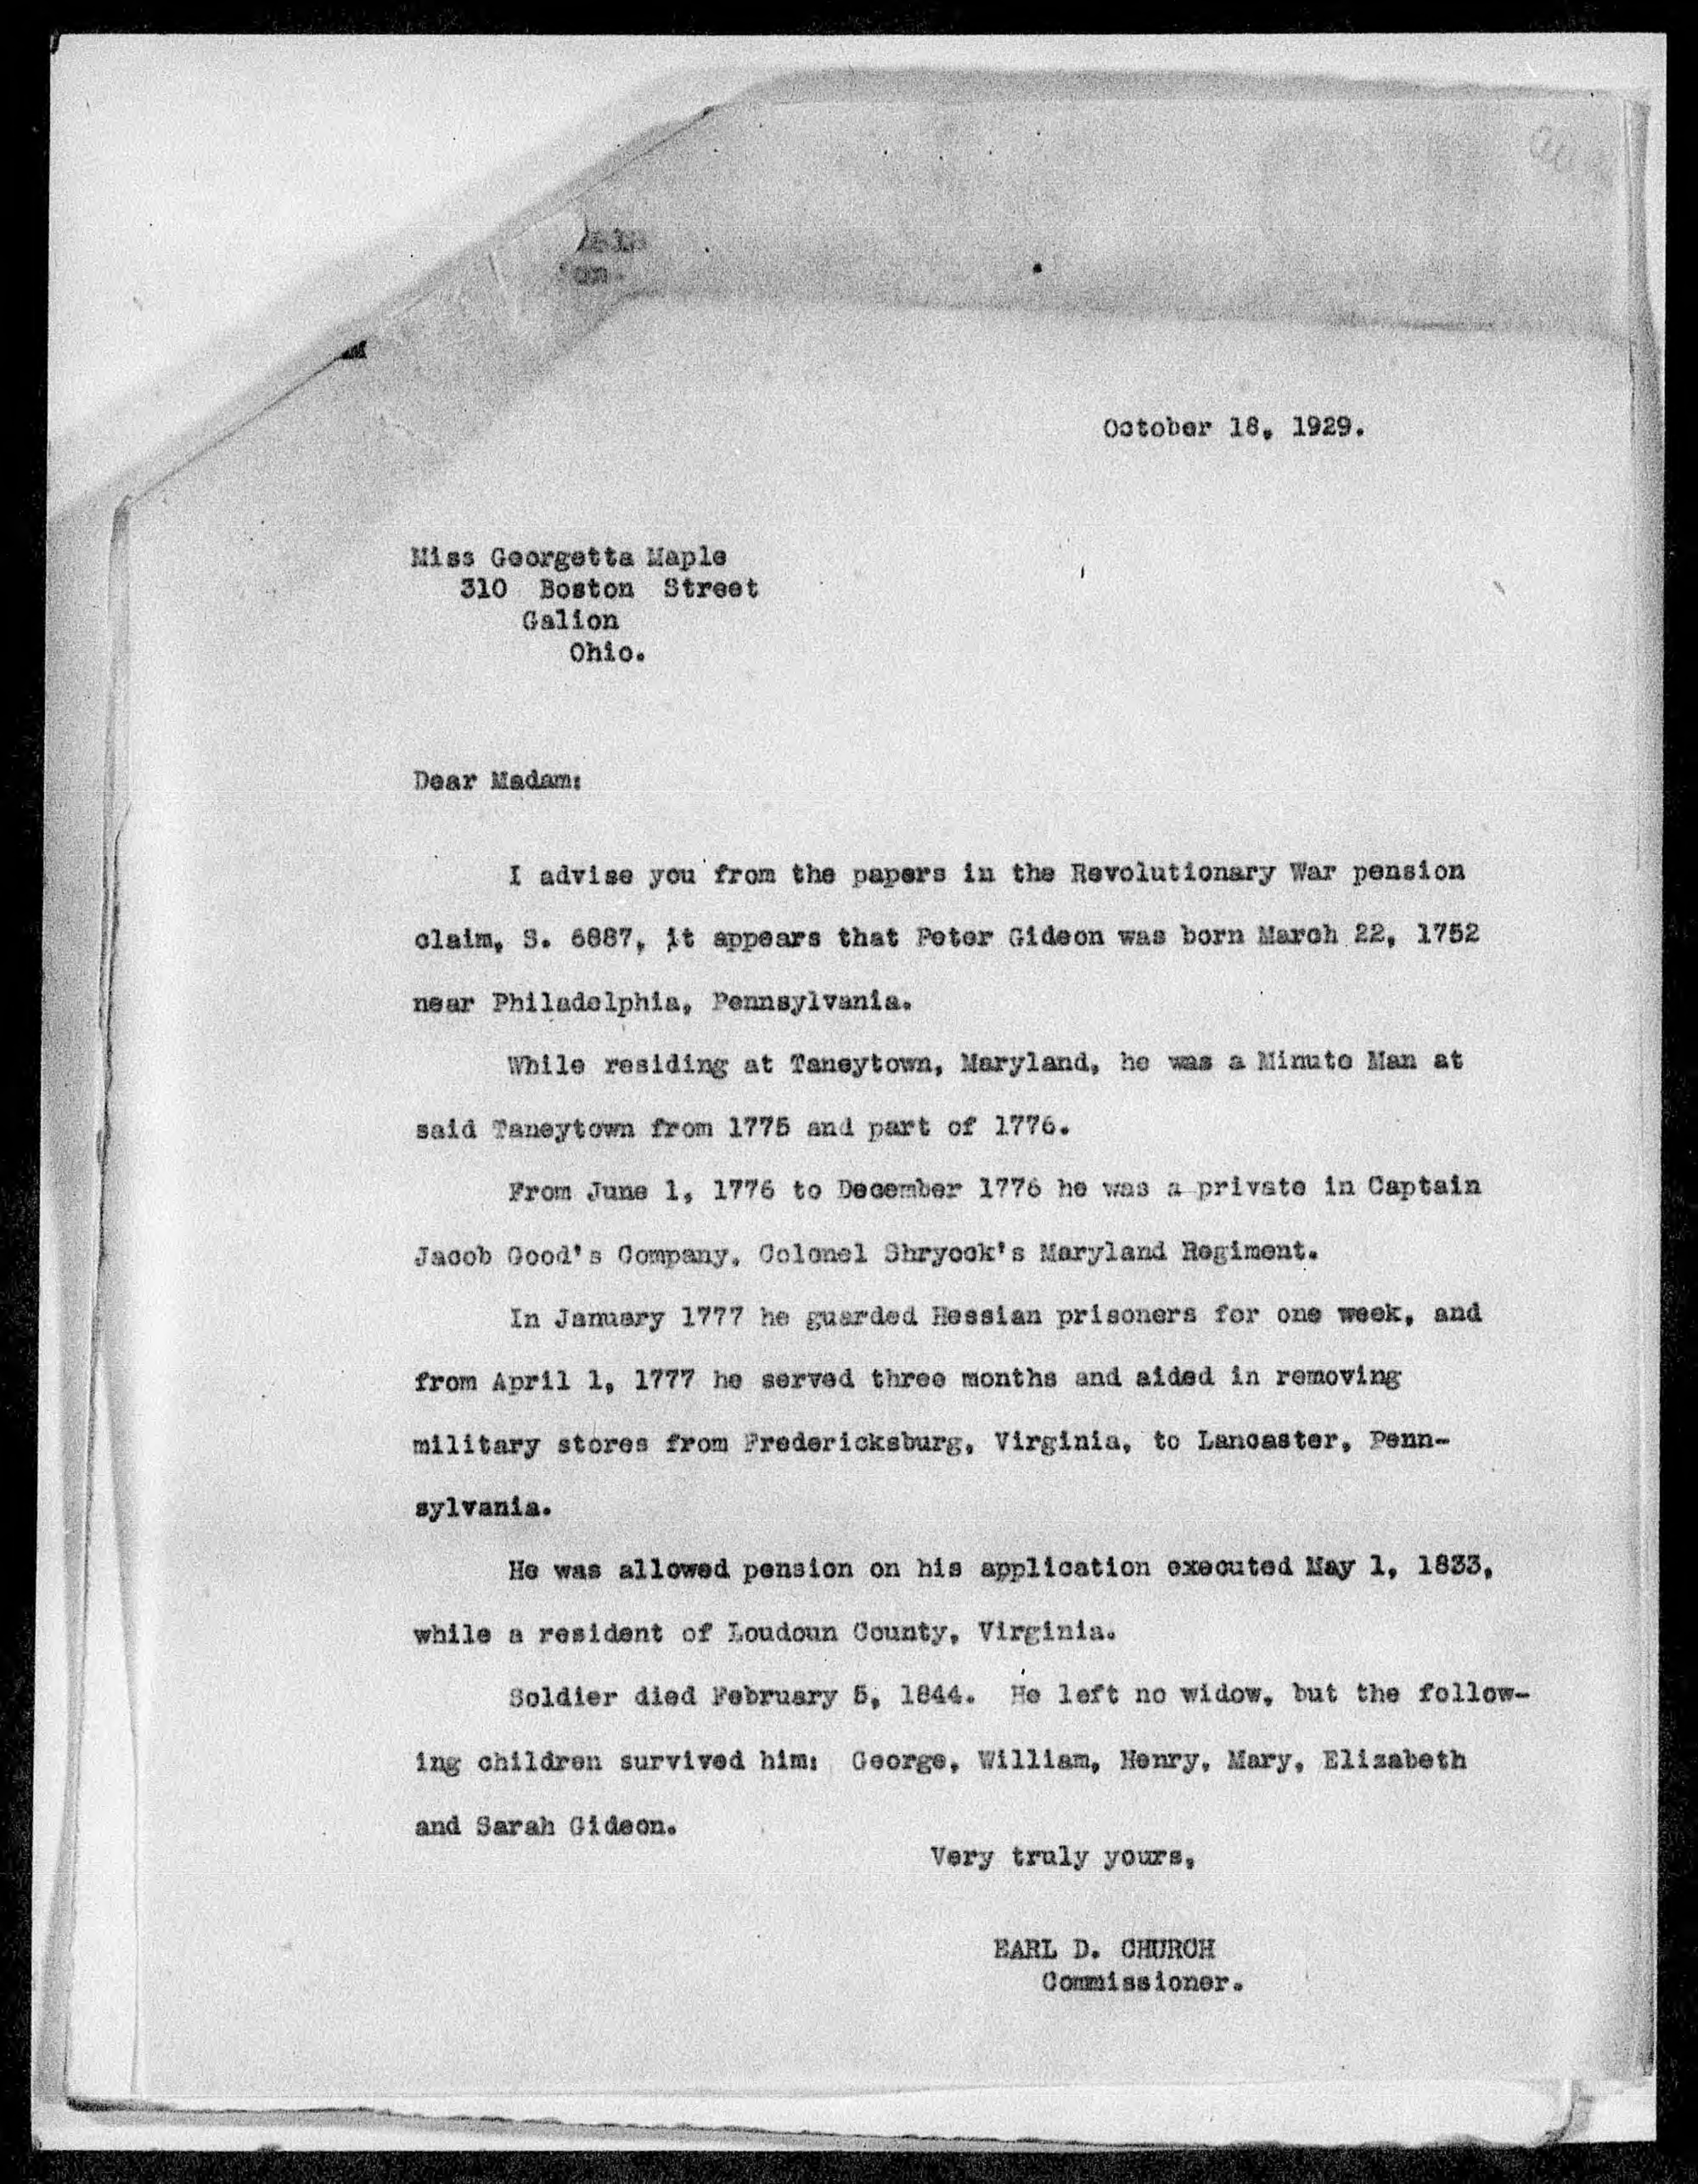October 18, 1929.

Miss Georgette Maple
310 Boston Street
Galion
Ohio.

Dear Madam:

I advise you from the papers in the Revolutionary War pension
claim, S. 6887, it appears that Peter Gideon was born March 22, 1752 near Philadelphia, Pennsylvania.
While residing at Taneytown, Maryland, he was a Minute Man at said Taneytown from 1775 and part of 1776.
From June 1, 1776 to December 1776 he was a private in Captain Jacob Good's Company, Colonel Shryock's Maryland Regiment.
In January 1777 he guarded Hessian prisoners for one week, and from April 1, 1777 he served three months and aided in removing
military stores from Fredericksburg, Virginia, to Lancaster, Pennsylvania.
He was allowed pension on his application executed May 1, 1833, while a resident of Loudoun County, Virginia.
Soldier died February 5, 1844. He left no widow, but the following children survived him. George, William Henry, Mary, Elizabeth and Sarah Gideon.
Very truly yours,
EARL D. CHURCH
Commissioner.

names: George Gideon, Peter Gideon, Henry Gideon, Mary Gideon, Georgetta Maple, Earl D Church, William Gideon, Elizabeth Gideon, Sarah Gideon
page: 60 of 64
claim: survivor's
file: S. 6887, Peter Gideon, Md.